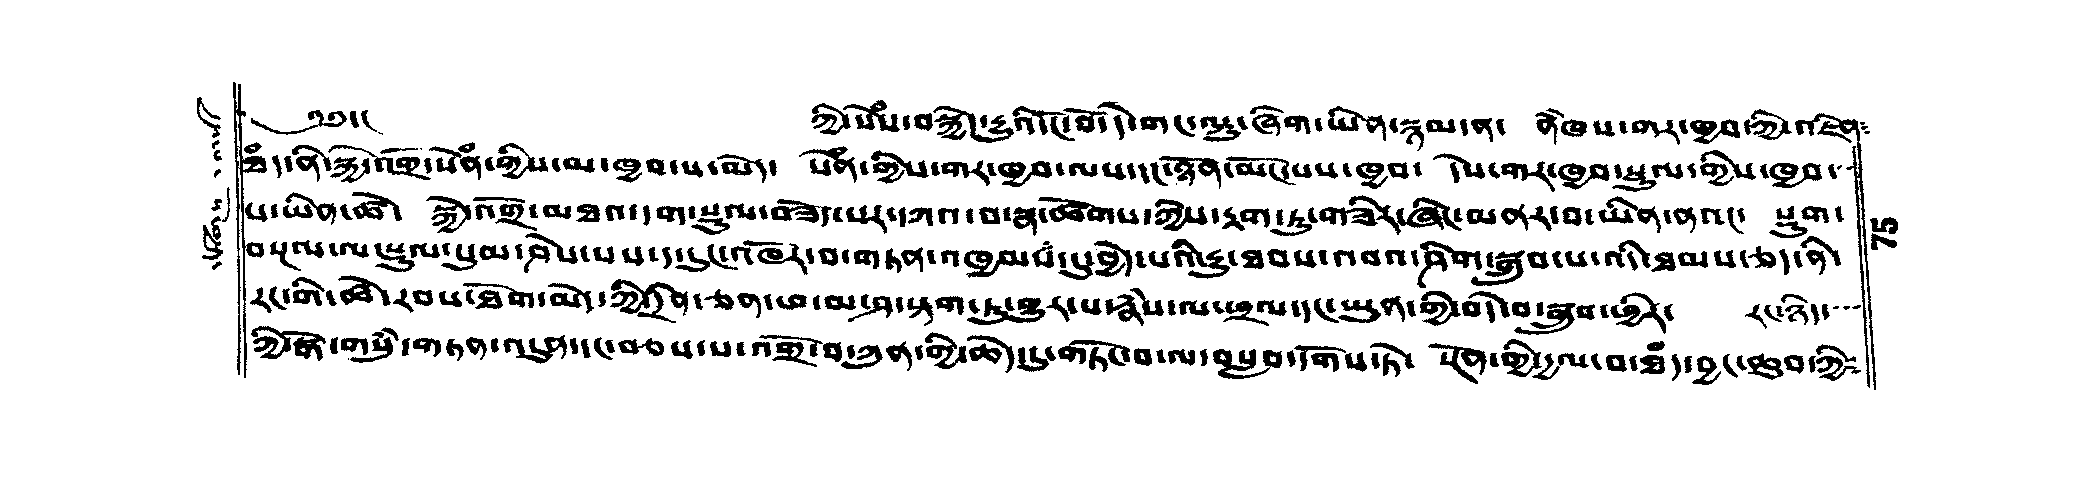ཀྱི་སེམས་བསྐྱེད་རྒྱུའི་ངོ་བོ་དེ་གང་ལྟ་བུ་ཞིག་ཡིན་སྙམ་ན། ནམ་མཁས་གར་ཁྱབ་ཀྱི་འཇིན་
ཐམས་ཅད་ཀྱི་སྐྱེ་འགྲོ་སེམས་ཅན་གྱིས་མ་ཁྱབ་པ་མེད། སེམས་ཅན་གྱིས་གར་ཁྱབ་ལས་དང་ཉོན་མོངས་ཁྱབ། དེས་གར་ཁྱབ་སྡུག་བསྔལ་གྱིས་ཁྱབ་
པ་ཡིན་ཚེ། སྐྱེ་འགྲོ་མཐའ་དག་སྡུག་བསྔལ་བཟོད་པར་དཀའ་བ་སྣ་ཚོགས་ཀྱིས་རྟག་ཏུ་གཟིར་ཞིང་མནར་བ་ཡིན་ནའང་། སྡུག་
བསྔལ་ལ་སྡུག་བསྔལ་སུམ་ཤེས་པས་ད་དུང་འཁོར་བ་གཏན་འཁྱམ་དུ་བྱེད་པའི་རྒྱུ་ཐབས་འབའ་ཞིག་སྒྲུབ་པ་འདི་ཐམས་ཅད་ནི་
རང་གི་ཚེ་རབས་ཐོག་མེད་ཀྱི་དྲིན་ཅན་ཕ་མ་ཤ་སྟོག་ཏུ་གྱུར་པ་རྣམས་ལ་ཕྲལ་དང་ཡུན་གྱི་བདེ་བ་སྒྲུབ་ཕྱིར། རང་ཉིད་
ཀྱི་སྒོ་གསུམ་གཏན་འདུན་དང་བཅས་པ་འགྲོ་བ་ཀུན་གྱི་ཆེད་དུ་གཏོང་བ་ལ་བསླབས་དགོས་ཏེ། སྔོན་གྱི་རྒྱལ་བ་ཐམས་ཅད་བྱང་ཆུབ་ཀྱི་